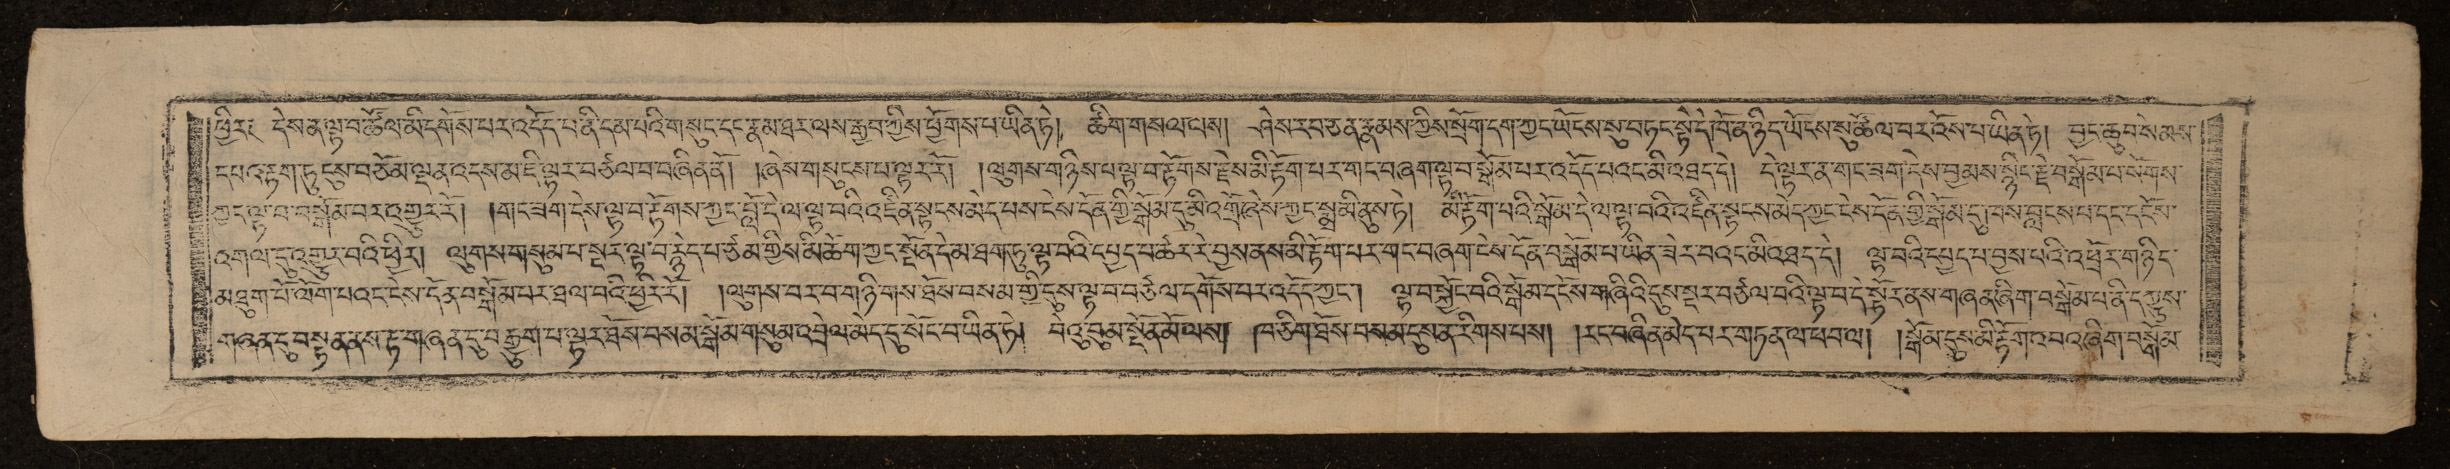ཕྱིར༑ དེས་ན་ལྟ་བ་ཚོལ་མི་དགོས་པར་འདོད་པ་ནི་དམ་བའི་གསུང་དང་རྣམ་ཐར་ལས་རྒྱབ་ཀྱིས་ཕྱོགས་པ་ཡིན་ཏེ། ཚིག་གསལ་ལས། ཤེས་རབ་ཅན་རྣམས་ཀྱིས་སྲོག་དག་ཀྱང་ཡོངས་སུ་བཏང་སྟེ་དེ་ཁོ་ན་ཉིད་ཡོངས་སུ་ཚོལ་བར་ངོས་པ་ཡིན་ཏེ། བྱང་ཆུབ་སེམས་
དཔའ་རྟག་ཏུ་དུས་བཅོམ་ལྡན་འདས་མ་ཇི་ལྟར་བཙལ་བ་བཞིན་ནོ། །ཞེས་གསུངས་པ་ལྟར་རོ། །ལུགས་གཉིས་པ་ལྟ་བ་རྟོགས་རྗེས་མི་རྟོག་པར་གང་བཞག་ལྟ་བསྒོམ་པར་འདོད་པའང་མི་འཐད་དེ། དེ་ལྟར་ན་གང་ཟག་དེས་བྱམས་སྙིང་རྗེ་བསྒོམ་པ་སོགས་
ཀྱང་ལྟ་བ་བསྒོམ་པར་འགྱུར་རོ། །གང་ཟག་དེས་ལྟ་བ་རྟོགས་ཀྱང་བློ་དེ་ལ་ལྟ་བའི་འཛིན་སྟངས་མེད་པས་ངེས་དོན་གྱི་སྒོམ་དུ་མི་འགྲོ་ཞེས་ཀྱང་སྨྲ་མི་ནུས་ཏེ། མི་རྟོག་པའི་སྒོམ་དེ་ལ་ལྟ་བའི་འཛིན་སྟངས་མེད་ཀྱང་ངེས་དོན་གྱི་སྒོམ་དུ་ཁས་བླངས་པ་དང་དངོས་
འགལ་དུ་འགྱུར་བའི་ཕྱིར། ལུགས་གསུམ་པ་སྔར་ལྟ་བརྙེད་པ་ཙམ་གྱིས་མི་ཆོག་ཀྱང་སྔོན་དེ་མ་ཐག་ཏུ་ལྟ་བའི་དཔྱད་པ་ཚར་རེ་བྱས་ནས་མི་རྟོག་པར་གང་བཞག་ངེས་དོན་བསྒོམ་པ་ཡིན་ཟེར་བའང་མི་འཐད་དེ། ལྟ་བའི་དཔྱད་པ་བྱས་པའི་འཕྲོར་གཉིད་
མཐུག་པོ་ལོག་པའང་ངེས་དོན་བསྒོམ་པར་ཐལ་བའི་ཕྱིར་རོ། །ལུགས་པར་པ་གཉིགས་ཐོས་བསམ་གྱི་དུས་ལྟ་བ་བཙལ་དགོས་པར་འདོད་ཀྱང་། ལྟ་བསྐྱོང་བའི་སྒོམ་དངོས་གཞིའི་དུས་སྔར་བཙལ་བའི་ལྟ་བ་དེ་སྟོར་ནས་གཞན་ཞིག་བསྒོམ་པ་ནི་དཀྱུས་
གཞན་དུ་བསྟན་ནས་རྟ་གཞན་དུ་བརྒྱུག་པ་ལྟར་ཐོས་བསམ་སྒོམ་གསུམ་འབྲེལ་མེད་དུ་སོང་བ་ཡིན་ཏེ། བེའུ་བུམ་སྔོན་མོ་ལས། ཁ་ཅིག་ཐོས་བསམ་དུས་ན་རིགས་པས། །རང་བཞིན་མེད་པར་གཏན་ལ་ཕབ་ལ། །སྒོམ་དུས་མི་རྟོག་འབའ་ཞིག་བསྒོམ་